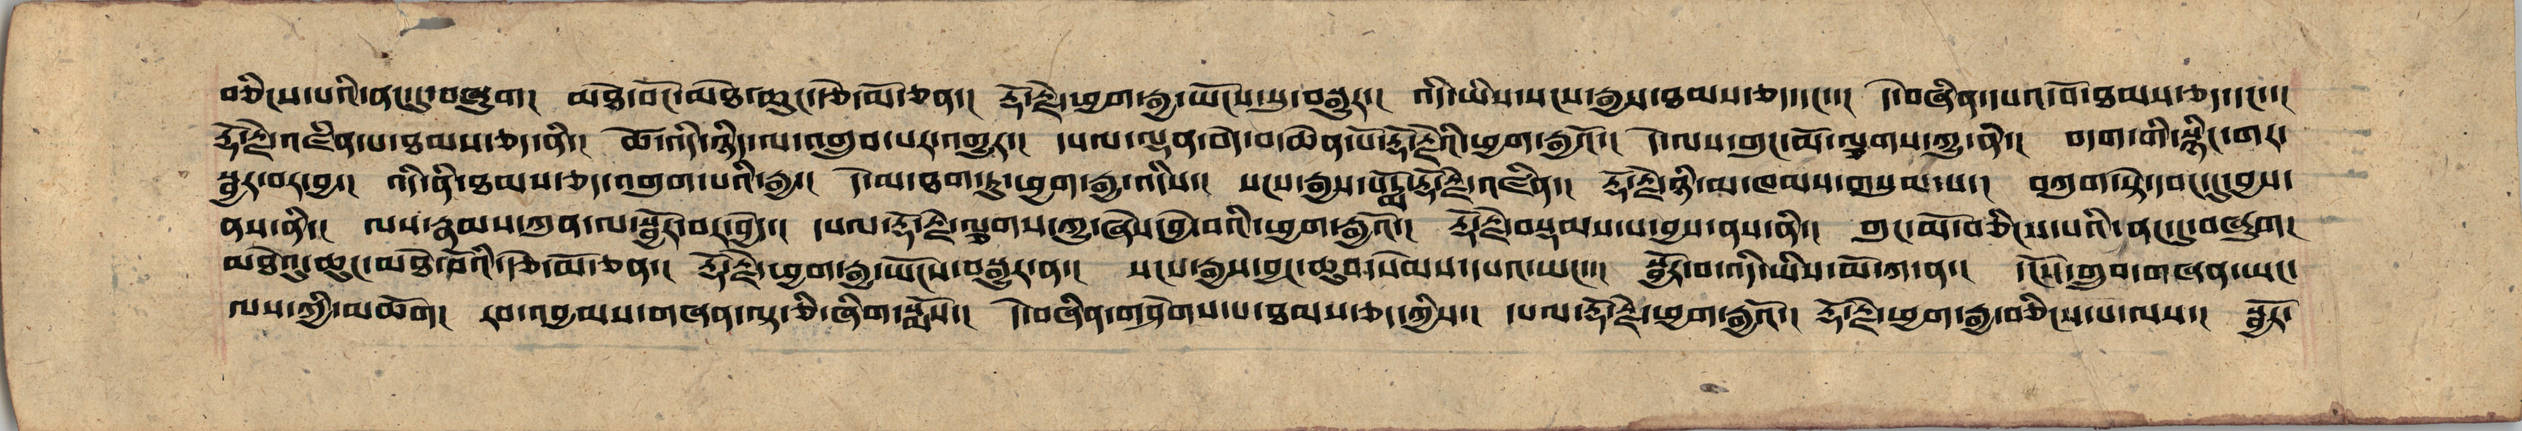བཅིངས་པའི་ནང་དུ་བཞུག། མཐེ་བོང་མཐེ་ཆུང་རྩེ་མོ་ཅན་། རྡོ་རྗེ་ཕྱག་རྒྱ་ཡོངས་སུ་བསྒྱུར་། འདི་ཡིས་སངས་རྒྱས་ཐམས་ཅད་དང་་། དེ་བཞིན་དཔའ་བོ་ཐམས་ཅད་དང་་།
རྡོ་རྗེ་འཛིན་པ་ཐམས་ཅད་ནི་། ཚེ་འདི་ཉིད་ལ་འགྲུབ་པར་འགྱུར་། དཔལ་ལྡན་བདེ་བ་ཆེན་པོ་རྡོ་རྗེའི་ཕྱག་རྒྱའོ་། དེ་ལས་གུང་མོ་ལྕགས་ཀྱུ་ནི་། བདག་གི་སྙིང་གར་
སྦྱར་བར་བྱ་། འདི་ནི་ཐམས་ཅད་འགུག་པའི་རྒྱ་། དེ་མ་ཐག་ཏུ་ཕྱག་རྒྱ་འདིས་། སངས་རྒྱས་པདྨོ་རྡོ་རྗེ་འཛིན་། རྡོ་རྗེ་ཉི་མ་ཁམས་གསུམ་པ་། བཀུག་སྟེ་དབང་དུ་བྱས
ནས་ནི་། ལས་རྣམས་ཀུན་ལ་སྦྱོར་བར་བྱེད་། དཔལ་རྡོ་རྗེ་ལྕགས་ཀྱུ་ཞེས་བྱེ་བའི་ཕྱག་རྒྱའོ་། རྡོ་རྗེ་བསྡམས་པ་བྱས་ནས་ནི་། གུང་མོ་བཅིངས་པའི་ནང་དུ་བཞུག།
མཐེའུ་ཆུང་མཐེ་བོའི་རྩེ་མོ་ཅན་། རྡོ་རྗེ་ཕྱག་རྒྱཡོངས་བསྒྱུར་ན་། སངས་རྒྱས་བྱང་ཆུབ་སེམས་དཔའ་ཡང་་། སྦྱོར་བ་འདི་ཡིས་མོ་ཀ་ན་། དངོས་གྲུབ་གཞན་ཡང་
ལས་ཀྱི་མཆོག། རབ་འབྱམས་གཞན་ལྟ་ཅི་ཞིག་སྨོས་། དེ་བཞིན་གཤེགས་པ་ཐམས་ཅད་གྱིས་། དཔལ་རྡོ་རྗེ་ཕྱག་རྒྱའོ་། རྡོ་རྗེ་ཕྱག་རྒྱ་བཅིངས་པ་ལས་། སྦྱོར་